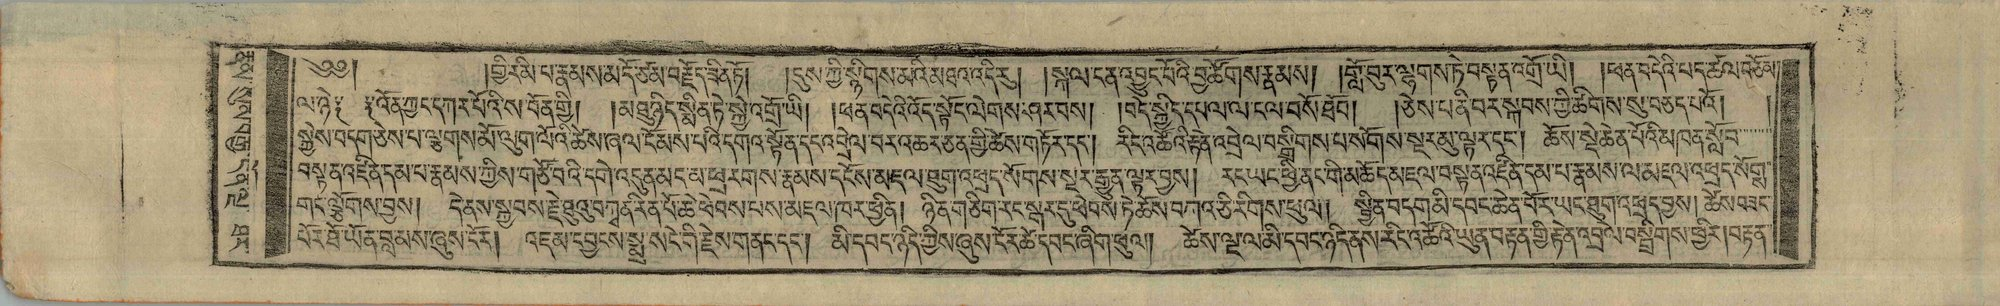༄༅། །གྱི་རིམ་པ་རྣམས་མདོ་ཙམ་བརྗོད་ཟིན་ཏོ། །དུས་ཀྱི་སྙིགས་མའི་མཐའ་འདི་རུ། །སྐལ་ངན་འབྱུང་པོའི་བྱ་ཚོགས་རྣམས། །གློ་བུར་ལྷགས་ཏེ་བསྟན་འགྲོ་ཡི། །ཕན་བདེའི་པད་ཚལ་བཅོམ་
ལ་ཉེ། །འོན་ཀྱང་དཀར་པོའི་ས་བོན་གྱི། །མཐུ་ཉིད་སྨིན་ཏེ་སྐྱེ་འགྲོ་ཡི། །ཕན་བདེའི་འོད་སྟོང་ལེགས་ཤར་བས། །བདེ་སྐྱིད་དཔལ་ལ་ངལ་བསོ་ཐོབ། །ཅེས་པ་ནི་བར་སྐབས་ཀྱི་ཚིགས་སུ་བཅད་པའོ། །
སྐྱེས་བདག་ཅེས་པ་ལྕགས་མོ་ལུག་ལོའི་ཚེས་ཞལ་ངོམས་པའི་དགའ་སྟོན་དང་འབྲེལ་བར་འཆར་ཅན་གྱི་ཚེས་གཏོར་དང་། རིང་འཚོའི་རྟེན་འབྲེལ་བསྒྲིགས་པ་སོགས་སྔར་མུ་ལྟར་དང་། ཆོས་སྡེ་ཆེན་པོའི་མཁན་སློབ་
བསྟན་འཛིན་དམ་པ་རྣམས་ཀྱིས་གཙོ་བའི་དགེ་འདུན་མང་མ་ཕྲ་རགས་རྣམས་དངོས་མཇལ་ཐུག་འཕྲད་སོགས་སྔར་རྒྱུན་ལྟར་བྱས། རང་ཡང་ཕྱི་ནང་གི་མཆོད་མཇལ་བསྟན་འཛིན་དམ་པ་རྣམས་ལ་མཇལ་འཕྲད་སོགས་
གང་ལྕོགས་བྱས། དེ་ནས་སྐྱབས་རྗེ་ཐུའུ་བཀྭན་རིན་པོ་ཆེ་ཕེབས་པས་མཇལ་ཁར་ཕྱིན། ཉིན་གཅིག་རང་སྒར་དུ་ཕེབས་ཏེ་ཆོས་བཀའ་ཅི་རིགས་ཕུལ། སྦྱིན་བདག་མི་དབང་ཆེན་པོར་ཡང་ཐུག་འཕྲད་བྱས། ཚེས་བཟང་
པོར་ཐོ་ཡོན་བླ་མས་ཞུས་ངོར། འཇམ་དབྱངས་སྨྲ་སེང་གི་རྗེས་གནང་དང་། མི་དབང་ཉིད་ཀྱིས་ཞུས་ངོར་ཚེ་དབང་ཞིག་ཕུལ། ཚེས་ལྔ་ལ་མི་དབང་ཉིད་ནས་རིང་འཚོའི་ཡུན་བརྟན་གྱི་རྟེན་འབྲེལ་བསྒྲིགས་ཕྱིར། བརྟན་